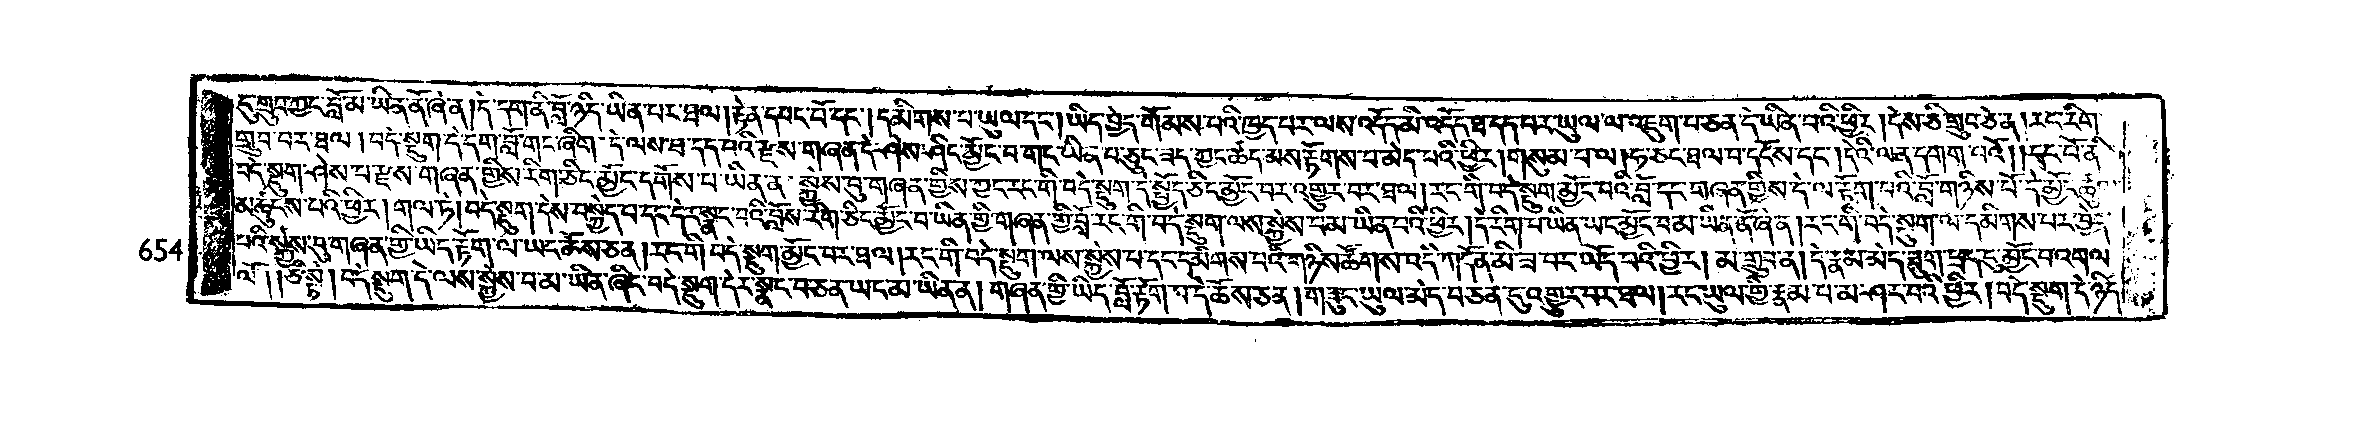དུ་གྲུབ་ཀྱང་བློ་མ་ཡིན་ནོ། ཞེ་ན། དེ་དག་ནི་བློ་ཉིད་ཡིན་པར་ཐལ། རྟེན་དབང་པོ་དང་། དམིགས་པ་ཡུལ་དང་། ཡིད་བྱེད་གོམས་པའི་ཁྱད་པར་ལས་འདོད་མི་?་འདོད་ཐ་དད་པར་ཡུལ་ལ་འཇུག་པ་ཅན་དེ་ཡིན་པའི་ཕྱིར། དེས་ཅི་གྲུབ་ཅེ་ན། རང་རིག་
གྲུབ་པར་ཐལ། བདེ་སྡུག་དེ་དག་བློ་གང་ཞིག་དེ་ལས་ཐ་དད་པའི་རྫས་གཞན་དེ་ཤེས་ཤིང་མྱོང་བ་གང་ཡིན་པ་ཅུང་ཟད་ཀྱང་ཚད་མས་རྟོགས་པ་མེད་པའི་ཕྱིར། གསུམ་པ་ལ། ཧ་ཅང་ཐལ་བ་དངོས་དང་། དེའི་ལན་དགག་པའོ། །དང་པོ་ནི་
བདེ་སྡུག་ཤེས་པ་རྫས་གཞན་གྱིས་རིག་ཅིང་མྱོང་དགོས་པ་ཡིན་ན་སྐྱེས་བུ་གཞན་གྱིས་ཀྱང་རང་གི་བདེ་སྡུག་དེ་སྤྱོད་ཅིང་མྱོང་བར་འགྱུར་བར་ཐལ། རང་གི་བདེ་སྡུག་མྱོང་བའི་བློ་དང་གཞན་གྱིས་དེ་ལ་རྟོག་པའི་བློ་གཉིས་པོ་དེ་མྱོང་ཚུལ་
མཚུངས་པའི་ཕྱིར། གལ་ཏེ། བདེ་སྡུག་དེས་བསྐྱེད་པ་དང་དེར་སྣང་བའི་བློས་རིག་ཅིང་མྱོང་བ་ཡིན་གྱི་གཞན་གྱི་བློ་རང་གི་བདེ་སྡུག་ལས་སྐྱེས་པ་མ་ཡིན་པའི་ཕྱིར། དེ་རིག་པ་ཡིན་ཡང་མྱོང་བ་མ་ཡིན་ནོ་ཞེ་ན། རང་གི་བདེ་སྡུག་ལ་དམིགས་པར་བྱེད་
པའི་སྐྱེས་བུ་གཞན་གྱི་ཡིད་རྟོག་ལ་ཡང་ཆོས་ཅན། རང་གི་བདེ་སྡུག་མྱོང་བར་ཐལ། རང་གི་བདེ་སྡུག་ལས་སྐྱེས་པ་དང་དམིགས་པའི་གཉིས་ཚོགས་འདི་གདོན་མི་ཟ་བར་ཡོད་པའི་ཕྱིར། མ་གྲུབ་ན། དེ་རྣམ་མེད་ཐུག་ཕྲད་དུ་མྱོང་བ་འགལ་
ལོ། །ཅི་སྟེ། བདེ་སྡུག་དེ་ལས་སྐྱེས་པ་མ་ཡིན་ཞིང་བདེ་སྡུག་དེར་སྣང་བ་ཅན་ཡང་མ་ཡིན་ན། གཞན་གྱི་ཡིད་བློ་རྟོག་པ་དེ་ཆོས་ཅན། གཟུང་ཡུལ་མེད་པ་ཅན་དུ་འགྱུར་བར་ཐལ། རང་ཡུལ་གྱི་རྣམ་པ་མ་ཤར་བའི་ཕྱིར། བདེ་སྡུག་དེ་ཉིད་